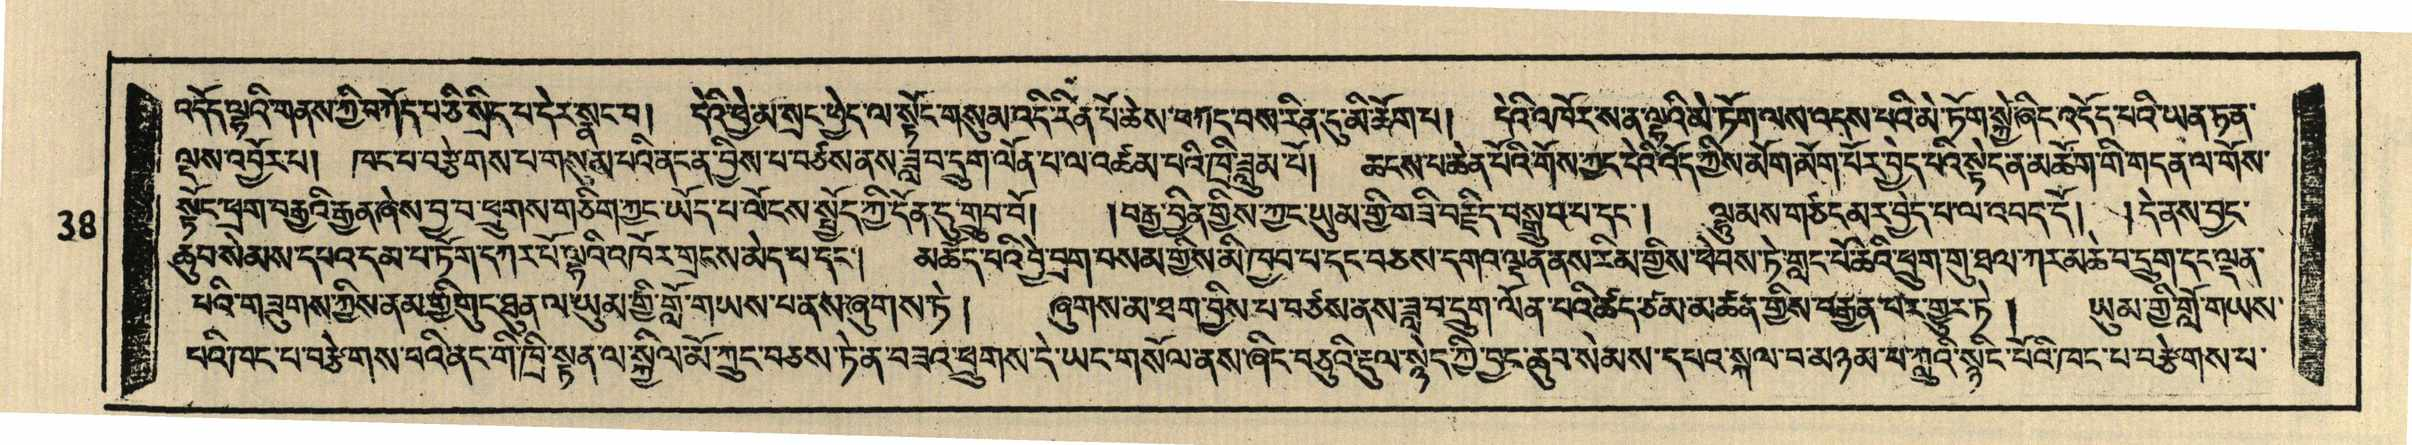འདོད་ལྷའི་གནས་ཀྱི་བཀོད་པ་ཅི་སྲིད་པ་དེར་སྣང་བ། དེའི་ཕྱེ་མ་སྲང་ཕྱེད་ལ་སྟོང་གསུམ་འདི་རིན་པོ་ཆེས་བཀད་བས་རིན་དུ་མི་ཆོག་པ། དེའི་འཁོར་ས་ན་ལྷའི་མེ་ཏོག་ལས་འདས་པའི་མེ་ཏོག་སྐྱེ་ཞིང་འདོད་པའི་ཡན་ཏན་
ལྔས་འབྱོར་པ། ཁང་པ་བརྩེགས་པ་གསུམ་པའི་ནང་ན་བྱིས་པ་བཙས་ནས་ཟླ་བ་དྲུག་ལོན་པ་ལ་འཚམ་པའི་ཁྲི་ཟླུམ་པོ། ཆངས་པ་ཆེན་པོའི་གོས་ཀྱང་དེའི་འོད་ཀྱིས་མོག་མོག་པོར་བྱེད་པའི་སྟེང་ན་མཆོག་གི་གདན་ལ་གོས་
སྟོང་ཕྲག་བརྒྱའི་རྒྱན་ཞེས་བྱ་བ་ཕྲུགས་གཅིག་ཀྱང་ཡོད་པ་ལོངས་སྤྱོད་ཀྱི་དོན་དུ་གྲུབ་བོ། །བརྒྱ་བྱིན་གྱིས་ཀྱང་ཡུམ་གྱི་གཟི་བརྗིད་བསྒྲུབ་པ་དང་། ལྷུམས་གཙང་མར་བྱེད་པ་ལ་འབད་དོ། །དེ་ནས་བྱང་
ཆུབ་སེམས་དཔའ་དམ་པ་ཏོག་དཀར་པོ་ལྷའི་འཁོར་གྲངས་མེད་པ་དང་། མཆོད་པའི་བྱེ་བྲག་བསམ་གྱིས་མི་ཁྱབ་པ་དང་བཅས་དགའ་ལྡན་ནས་རིམ་གྱིས་ཕེབས་ཏེ་གླང་པོ་ཆེའི་ཕྲུག་གུ་ཐལ་ཀར་མཆེ་བ་དྲུག་དང་ལྡན་
པའི་གཟུགས་ཀྱིས་ནམ་གྱི་གུང་ཐུན་ལ་ཡུམ་གྱི་གློ་གཡས་པ་ནས་ཞུགས་ཏེ། ཞུགས་མ་ཐག་བྱིས་པ་བཙས་ནས་ཟླ་བ་དྲུག་ལོན་པའི་ཚད་ཙམ་མཚན་གྱིས་བརྒྱན་པར་གྱུར་ཏེ། ཡུམ་གྱི་གློ་གཡས་
པའི་ཁང་པ་བརྩེགས་པའི་ནང་གི་ཁྲི་སྟན་ལ་སྐྱིལ་མོ་ཀྲུང་བཅས་ཏེ་ན་བཟའ་ཕྲུགས་དེ་ཡང་གསོལ་ནས་ཞིང་བཅུའི་རྡུལ་སྙེད་ཀྱི་བྱང་ཆུབ་སེམས་དཔའ་སྐལ་བ་མཉམ་པ་ཀླུའི་སྙིང་པོའི་ཁང་པ་བརྩེགས་པ་